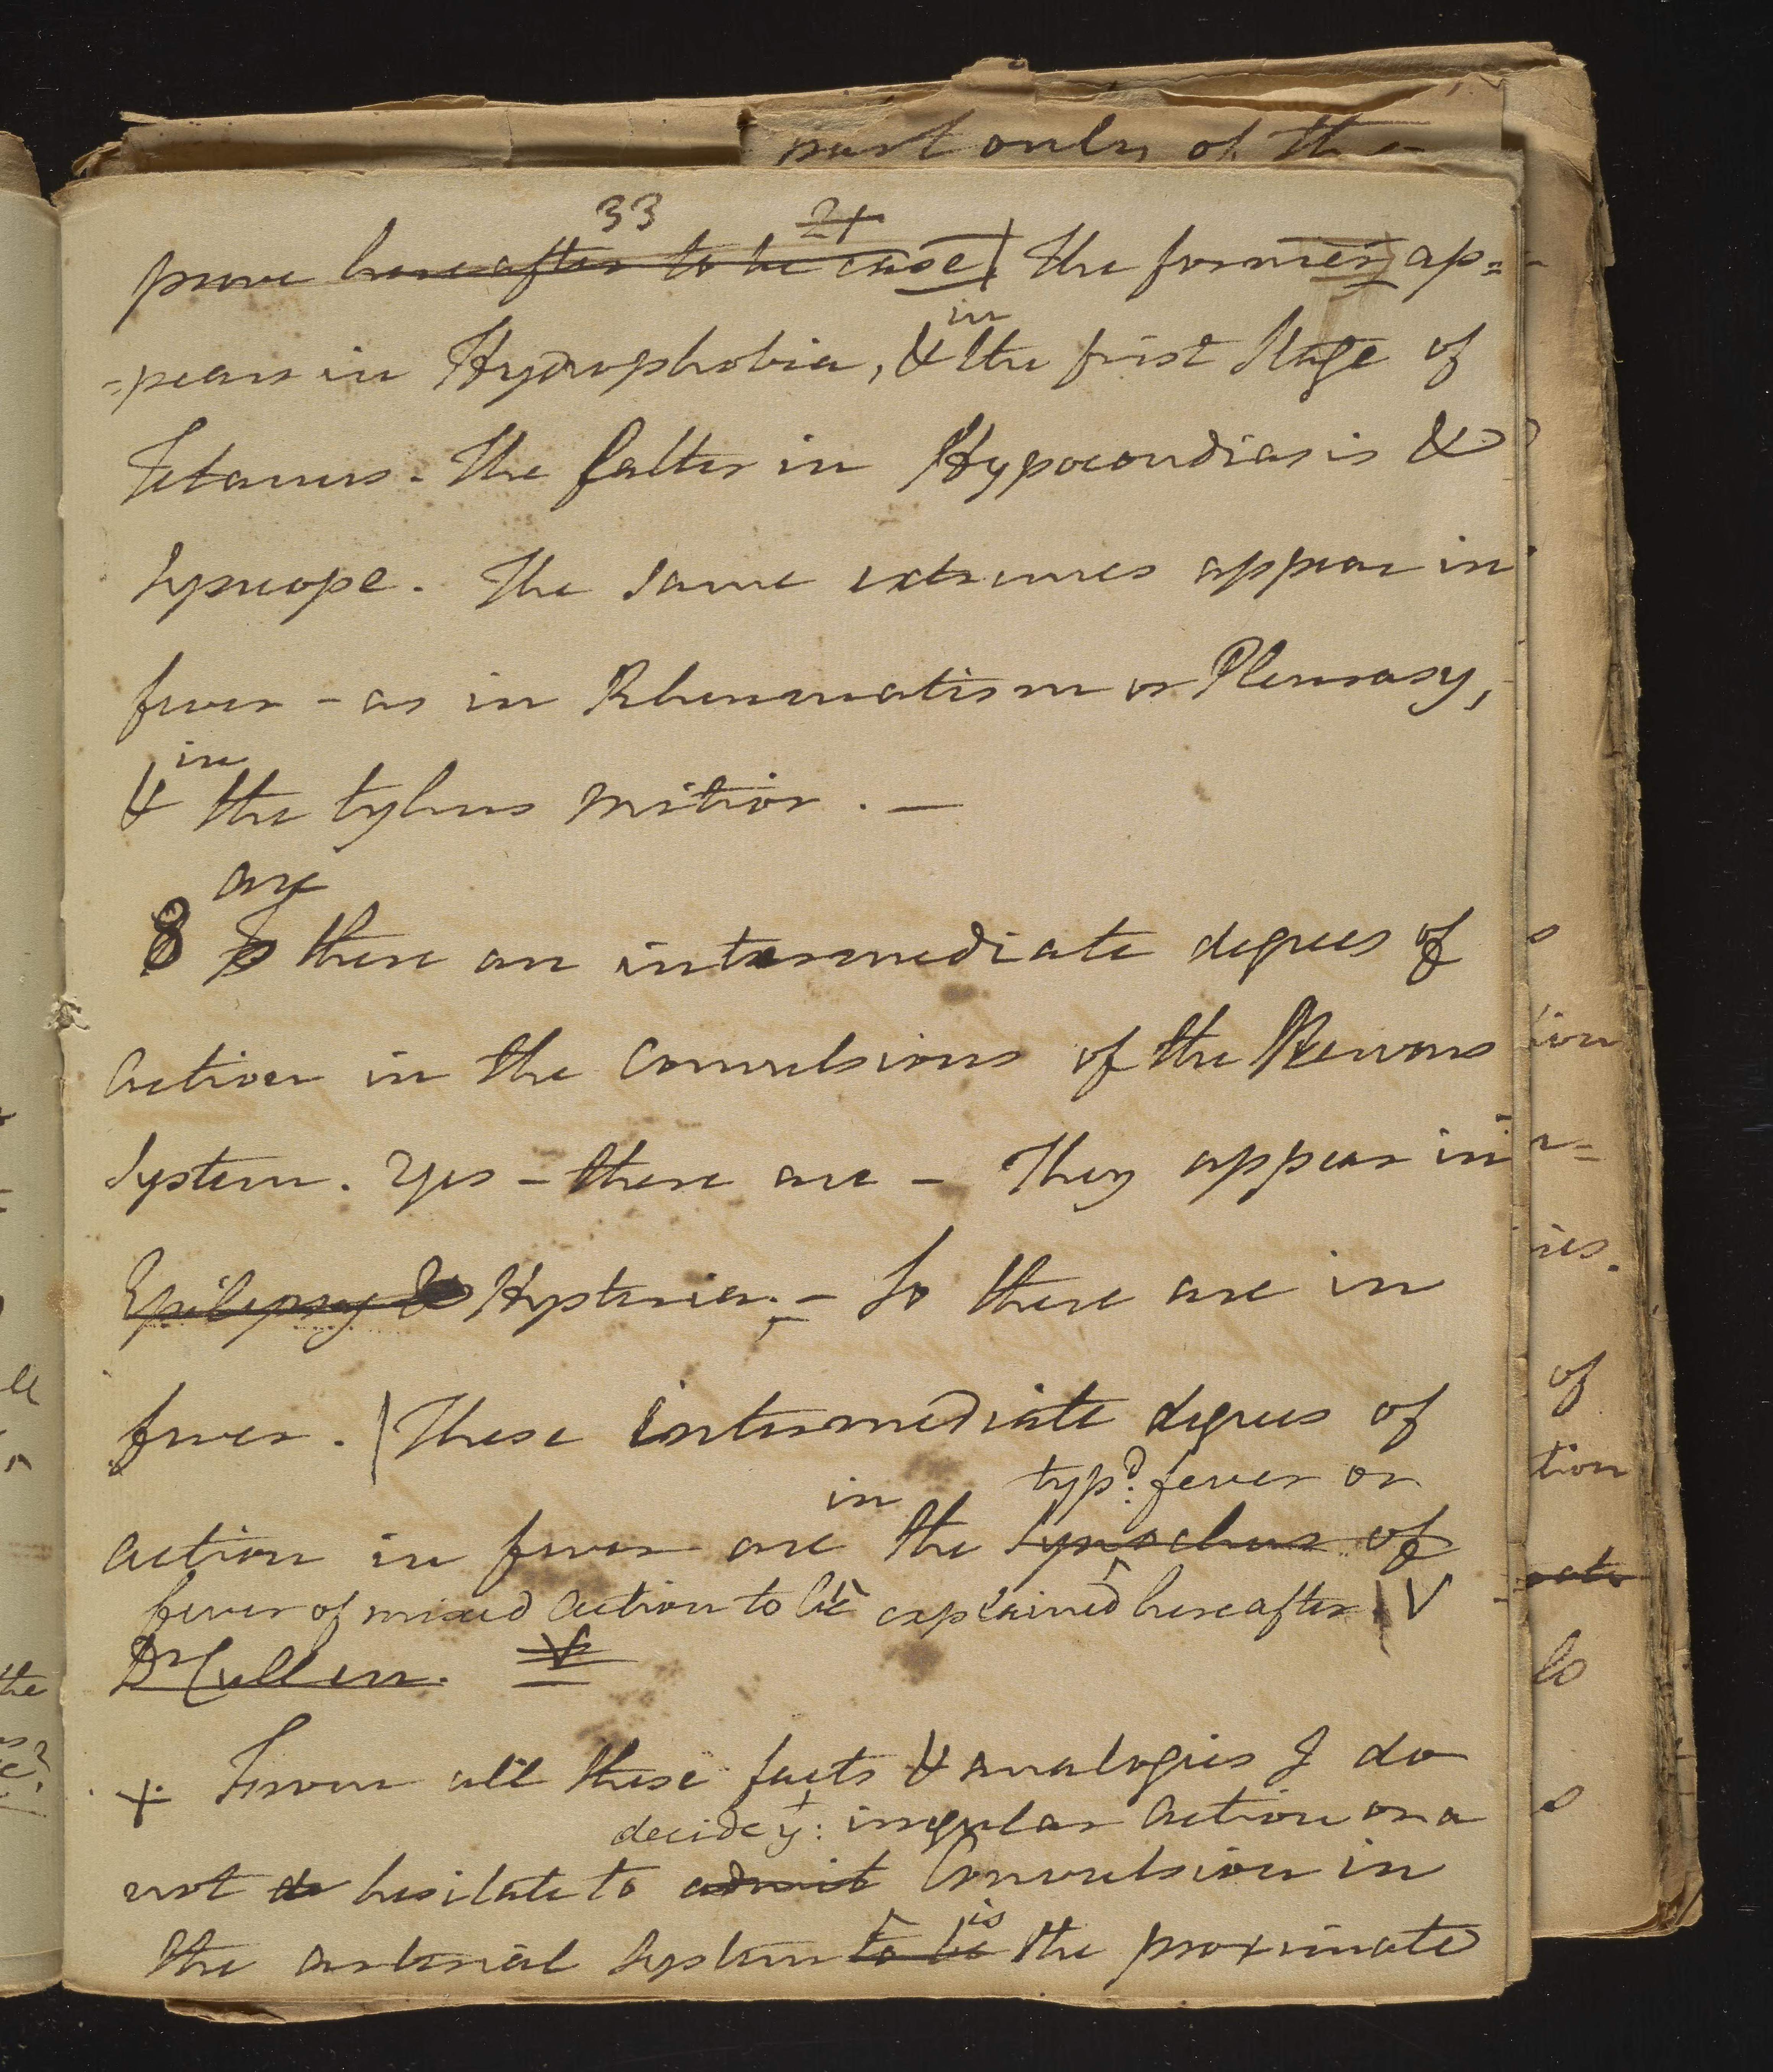33
prove hereafter to be case) The former) ap-
-pears in Hydrophobia, & in the first stage of
Tetanus. The latter in Hypocondriasis &
syncope. The same extremes appear in
fever, as in Rheumatism or Pleurasy
in
& the tylus mitior
are
3 [Is] there an intermediate degrees of
action in the convulsions of the Nervous
system. Yes, there are. They appear in
[Epilepsy &] Hysteria. So there are in
fever. /These intermediate degrees of
in
typ^d: fever or
action in fever are ^ the [symptoms] ^ of
fever of mixed action to be explained hereafter
D^r Cullen
From all these facts & analgoies I do
not hesitate to [admit] ^ Convulsions in
decide y^t irregular Action or a
the arterial system to be is the proximate